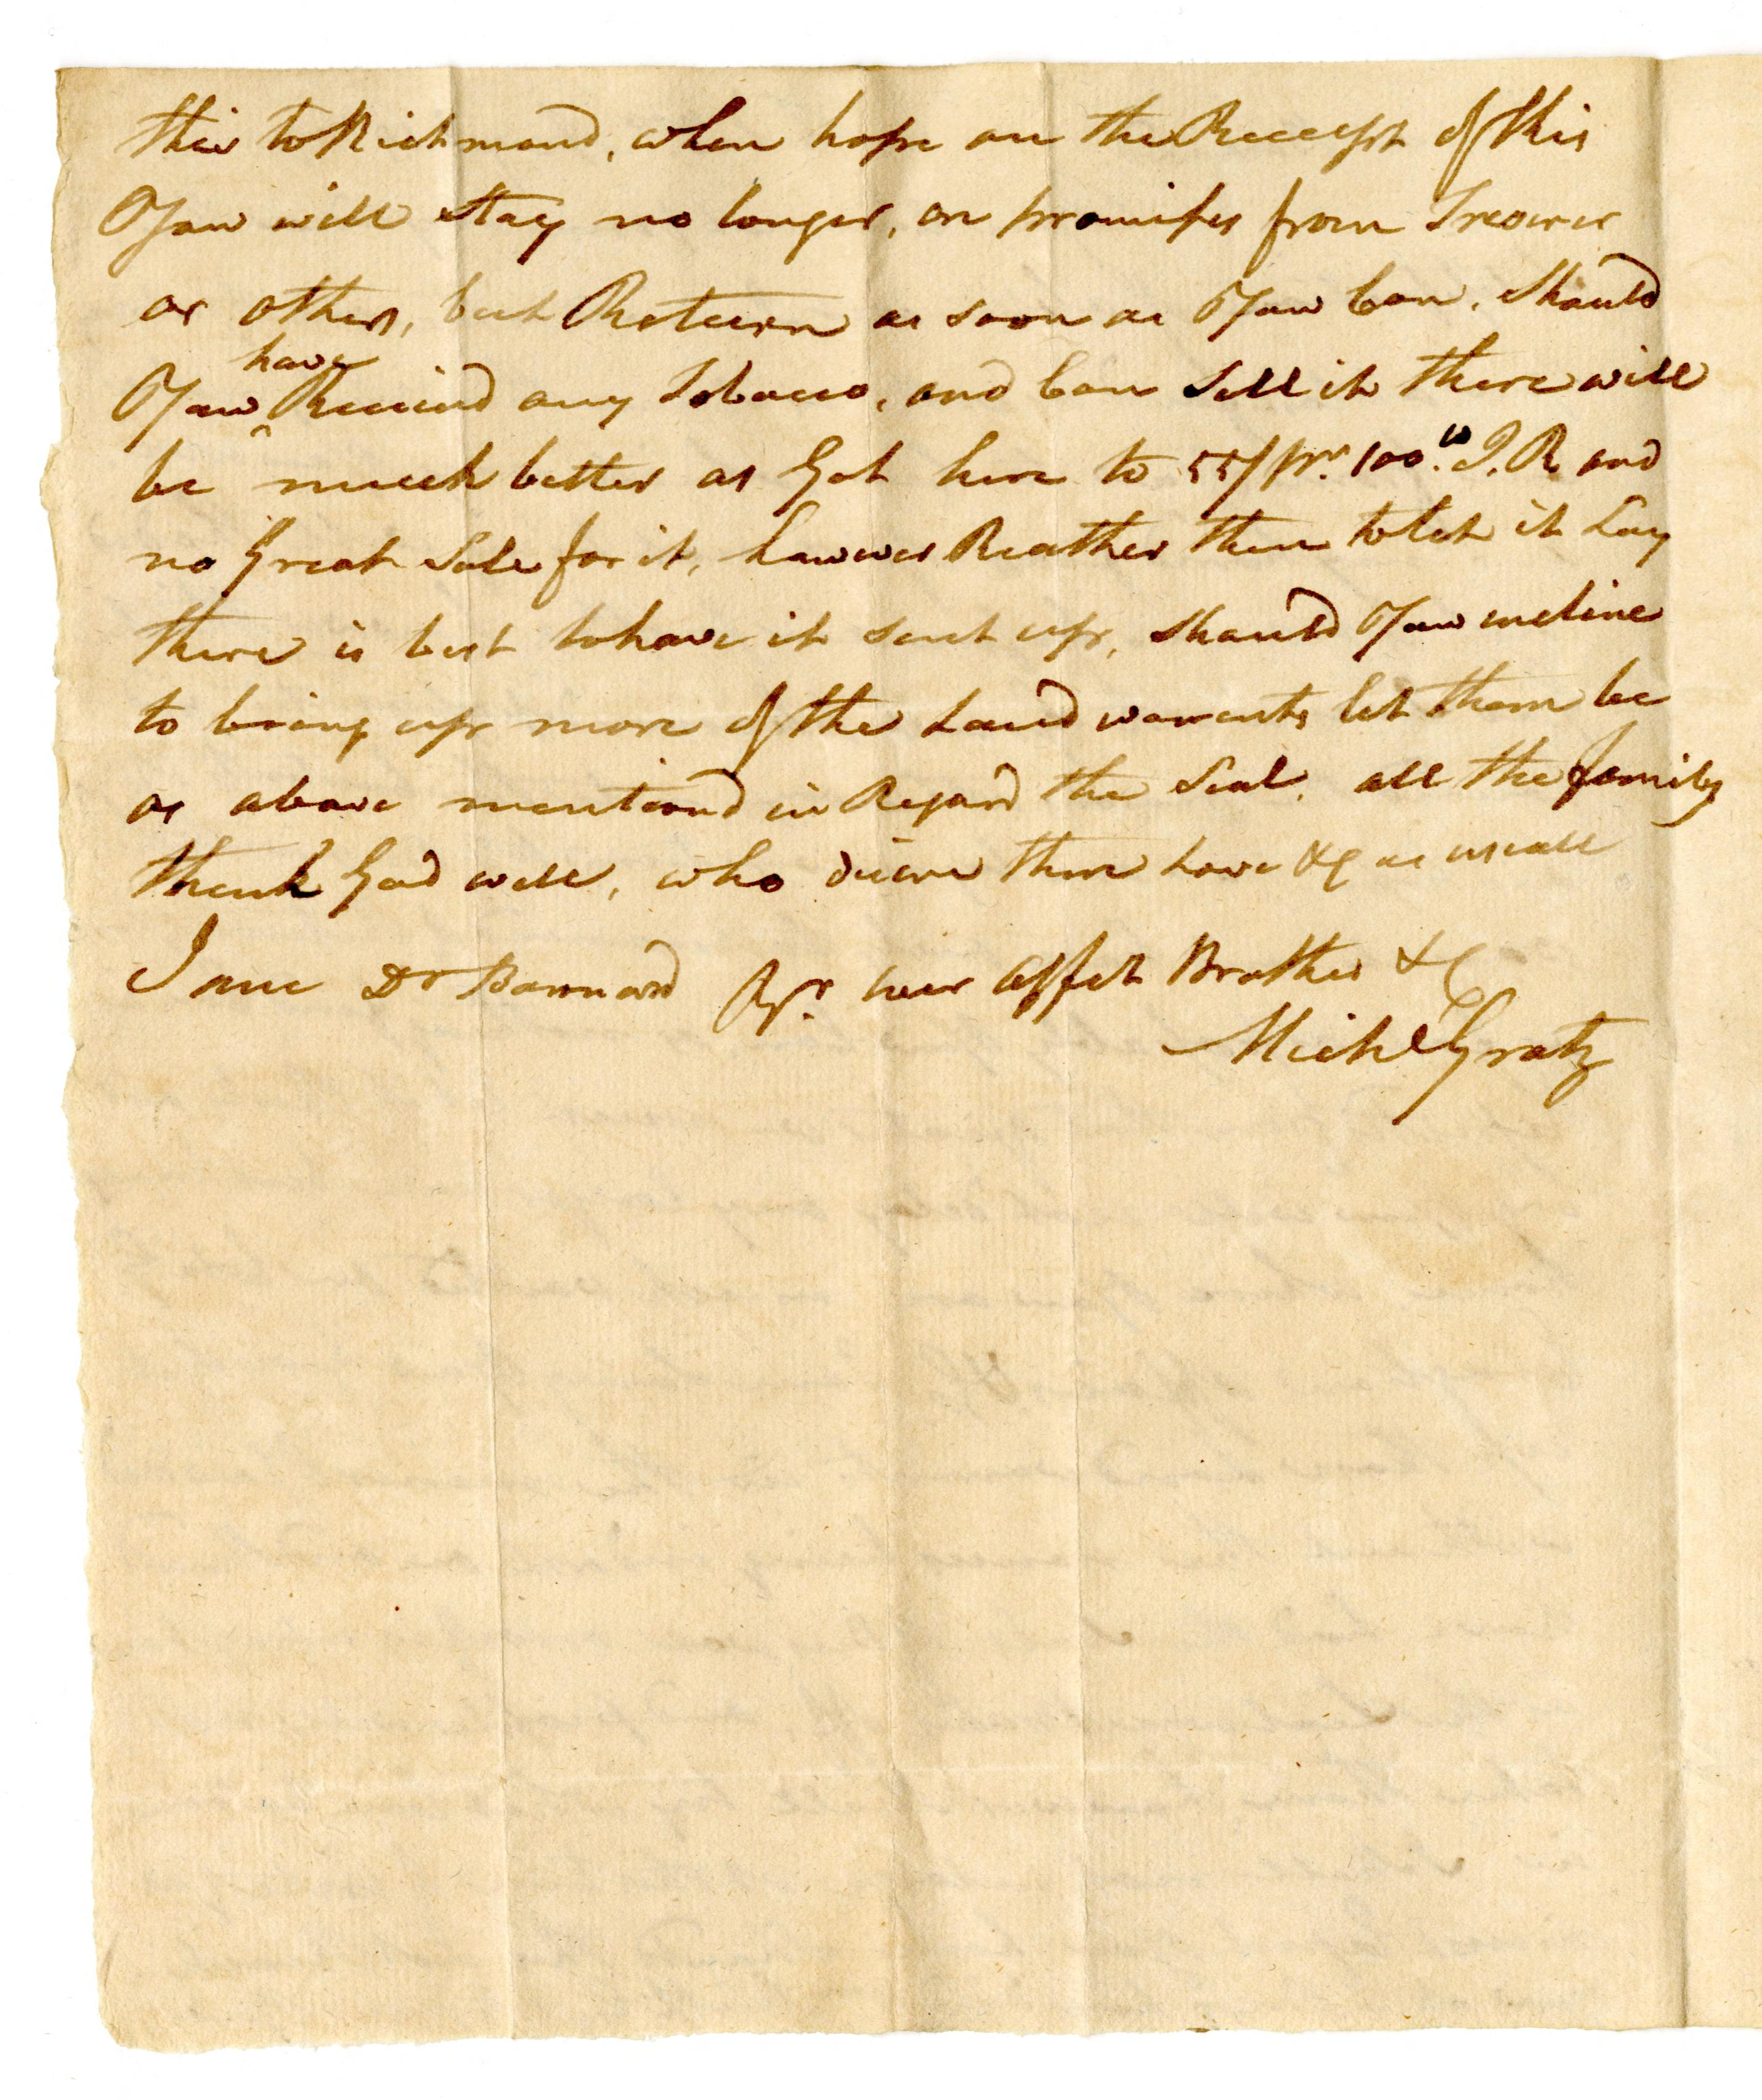this to Richmond, when hope are the Receipt of this
you will stay no longer on promises from Troerer
or other, but Return as soon as you can. Should
have
you ^ Received any Tobacco, and Can sell it there will
be much better as Got here to 55s p^r. 100^a. J. R and
no Great sale for it, however Reather there to let it Lay
there is but to have it sent up, should you incline
to bring up more of the Land warrants let them be
as above mentiond in Regard the seal all the family
thank God well, who desire there Love & as usuall
I am D^r Barnard y^r. ever affet Brother &C
Mich^l Gratz